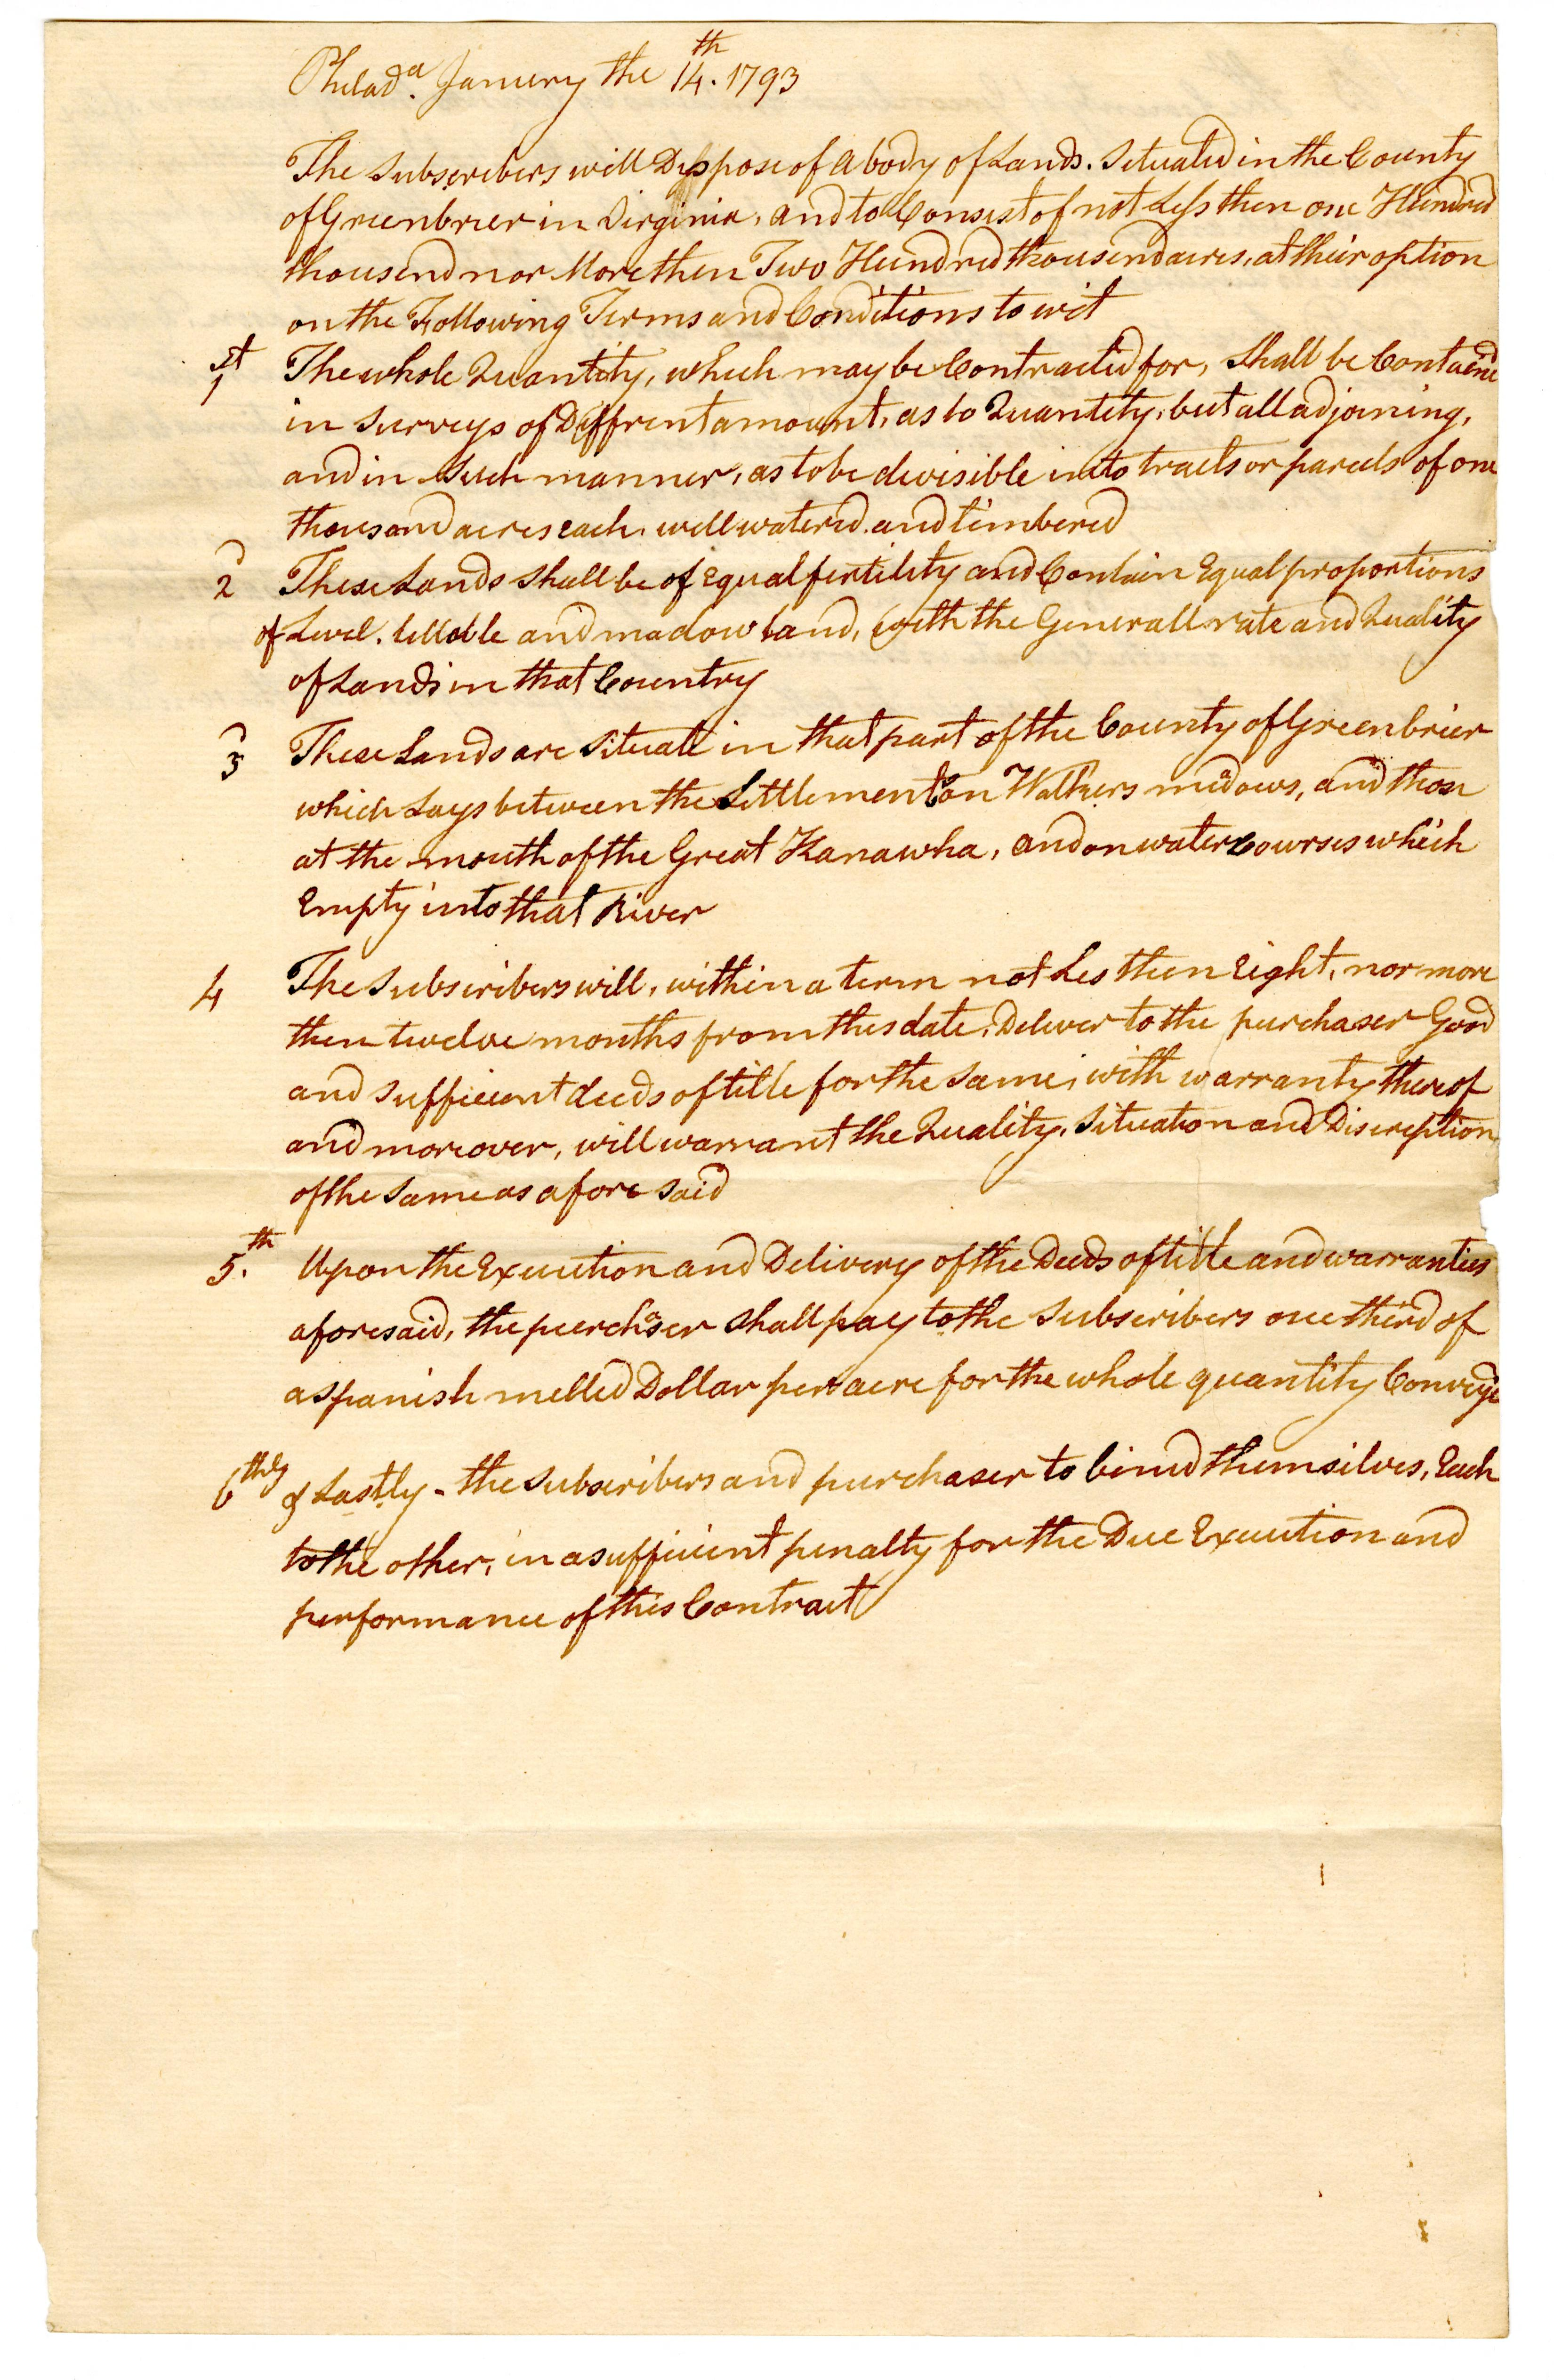Philad^a. January the 14^th. 1793
The subscribers will Dispose of a body of Lands. Situated in the County
of Greenbrier in Virginia, and to Consent to not Less then one Hundred
thousand nor More then Two Hundred thousand acres, at their option
on the Following Terms and Conditions to wit
1^st The whole Quantity, which maybe contracted for, Shall be Contained
in surveys of Diffrent amounts, as to Quantity, but all adjoining,
and in such manner, as to be divisible into tracts or parcels of one
thousand acres each well watered and timbered
2^d These Lands shall be of Equal fertility and Contain Equal proportions
of Level, tillable and madow land, with the Generall rate and quality
of Lands in that Country
3^d These lands are situate in that part of the County of Greenbrier
which lays between the settlement an Walkers me^adows, and those
at the mouth of the Great Kanawha, and on water courses which
Empty into that River
4
The subscribers will, within a term not Les then Eight, nor more
there twelve months from this date deliver to the purchaser Good
and sufficient deeds of title for the same, with warranty thereof
and moreover, will warrant the Quality, Situation and Discription
of the Same as aforesaid
5^th. Upon the Execution and delivery of the Deeds of title and warranties
aforesaid, the purchaser shall pay to the subscribers one third of
a Spanish milled Dollar per acre for the whole quantity Convey'd
6^th & Lastly the subscribers and purchaser to bind themselves, Each
to the other in a sufficient penalty for the Due Execution and
performance of this Contract